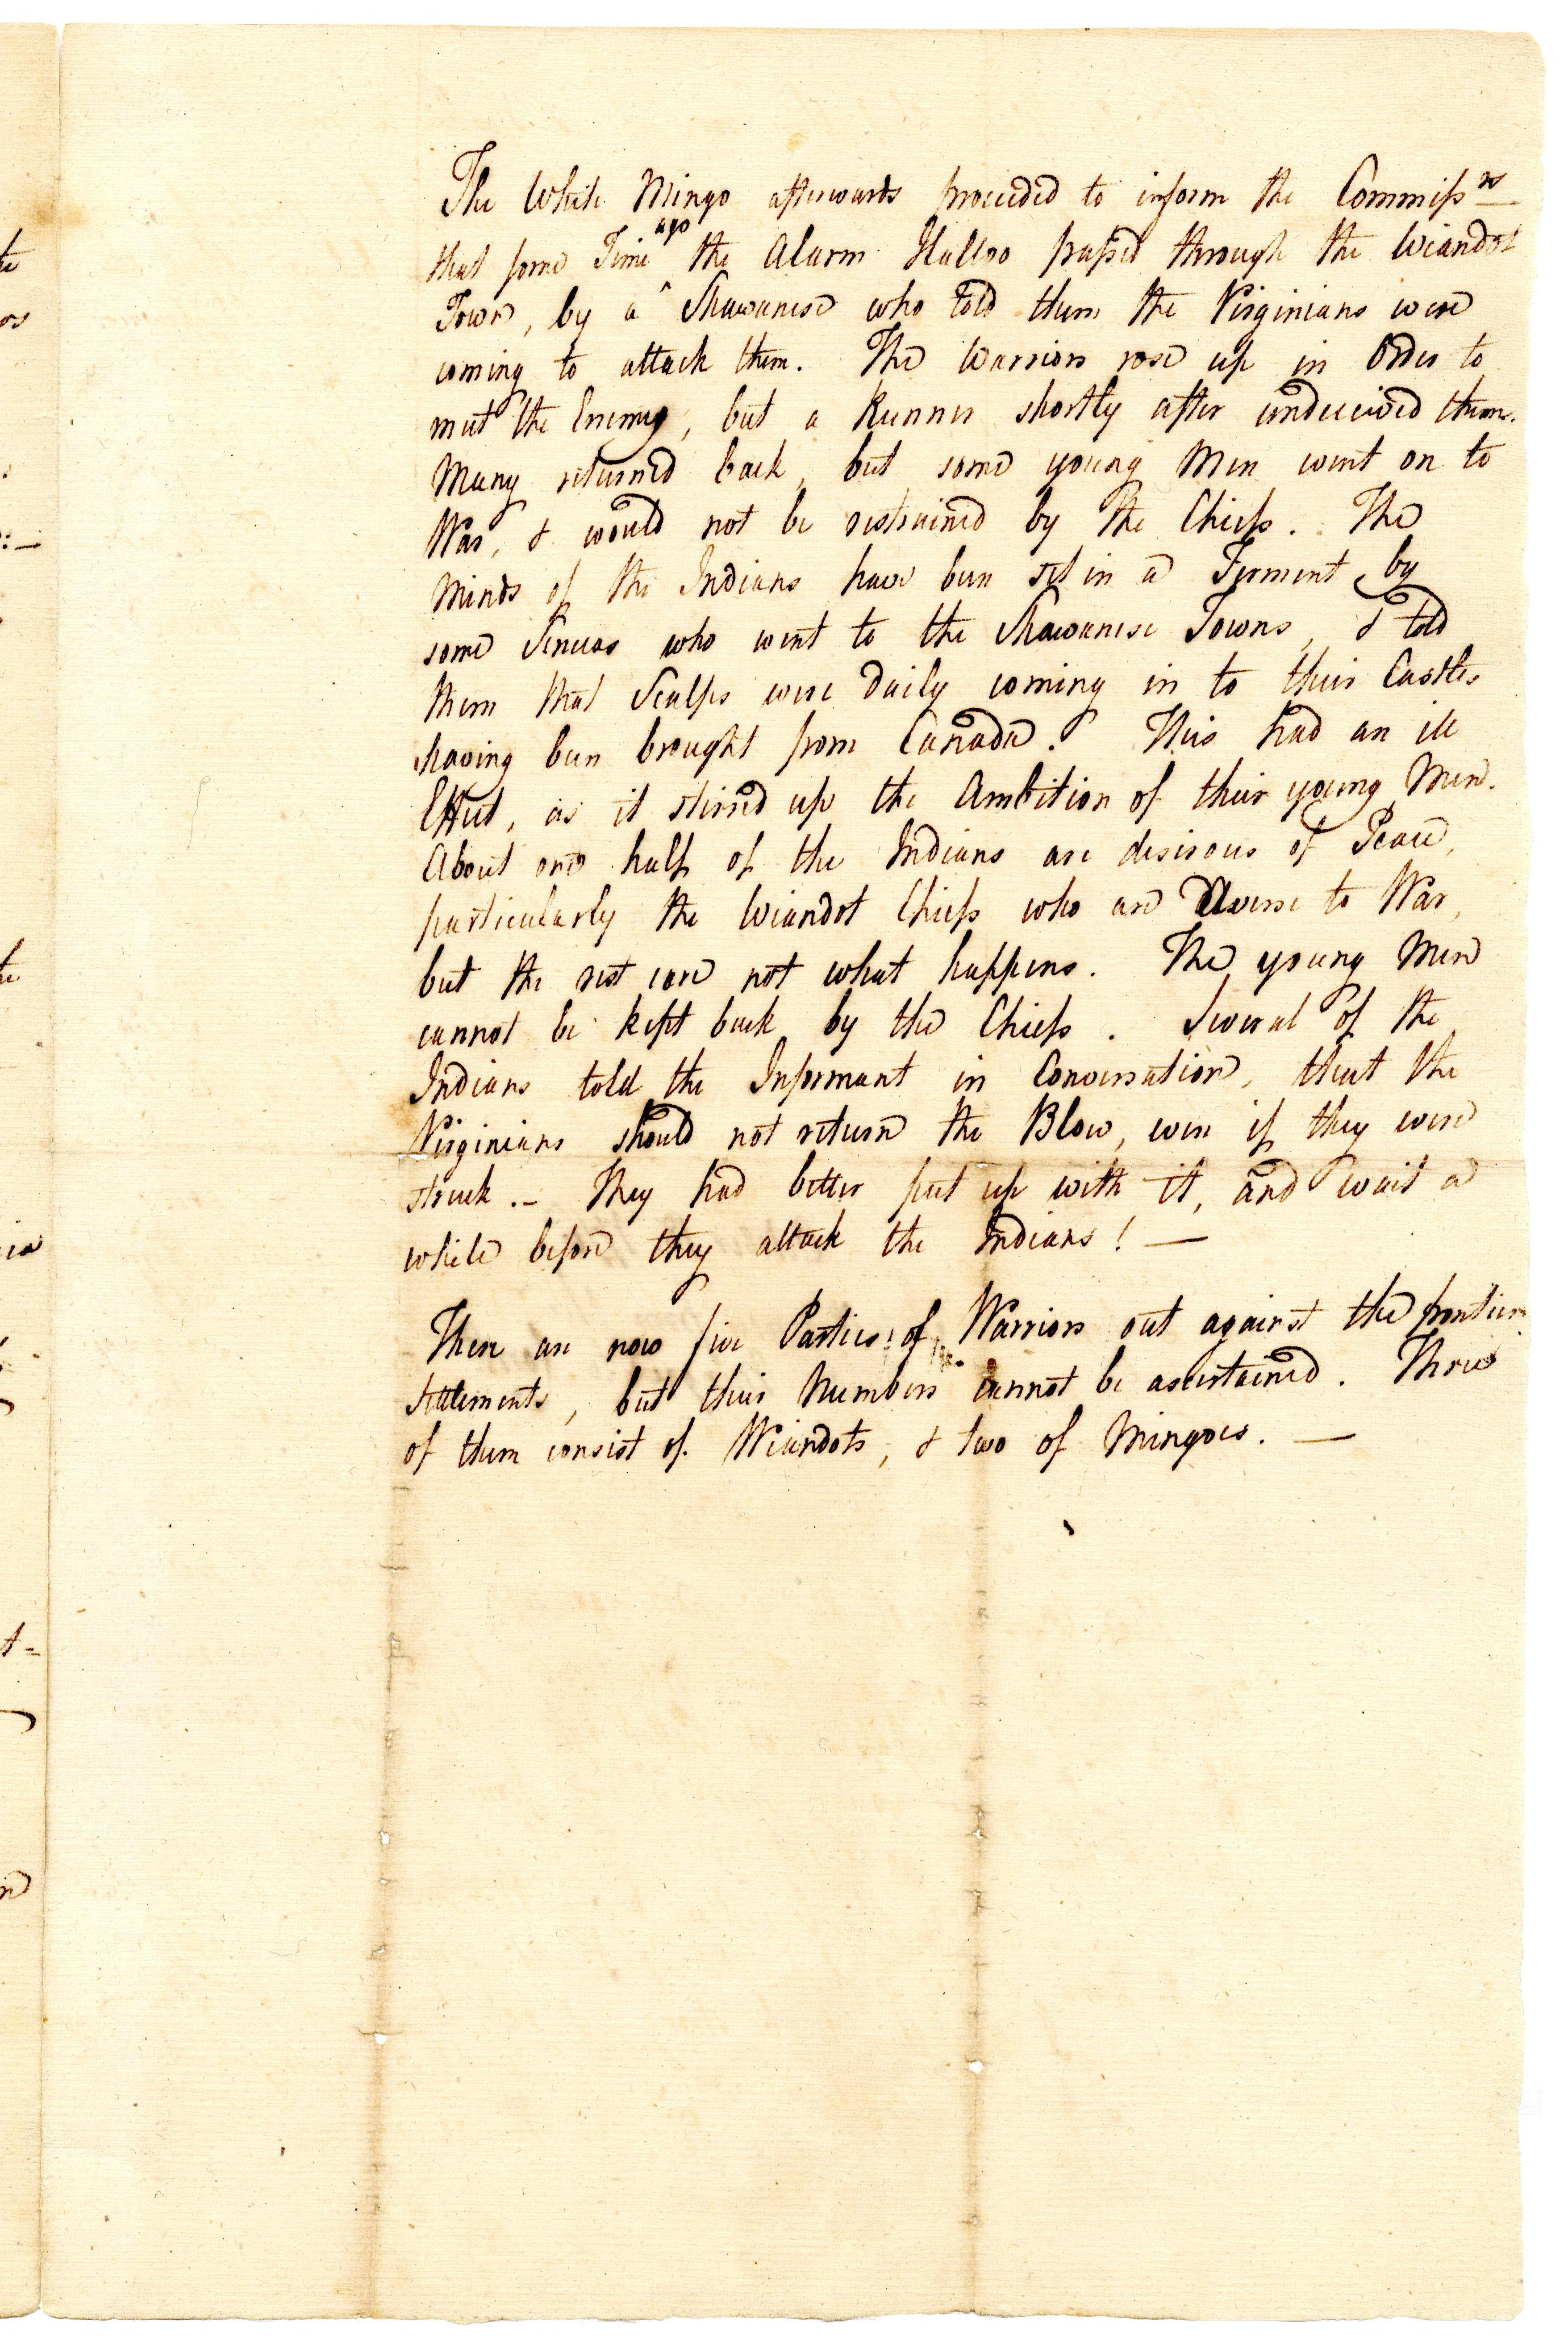The White Mingo afterwards proceeded to inform the Commiss^rs
that some Time ^ago the Alarm Halloo passed through the Wiandot
Town, by a Shawanese who told them the Virginians were
coming to attack them. The Warriors rose up in Order to
meet the Enemy, but a Runner shortly after undeceived them.
Many returned back, but some young Men went on to
War, & would not be restrained by the Chiefs. The
Minds of the Indians have been set in a Ferment by
some Senecas who went to the Shawanese Towns, & told
them that Scalps were daily coming in to their Castles
having been bought from Canada. This had an ill
Effect, as it stirred up the Ambition of their young Men.
About one half of the Indians are desirous of Peace,
particularly the Wiandot Chiefs who are Averse to War
but the rest care not what happens. The young Men
cannot be kept back by the Chiefs. Several of the
Indians told the Informant in Conversation that the
Virginians should not return the Blow, even if they were
struck.- They had better put up with it, and wait a
while before they attack the Indians!-
There are now five Parties of Warriors out against the frontiers
Settlements, but their Numbers cannot be ascertained. Three
of them consist of Wiandots, & two of Mingoes.-